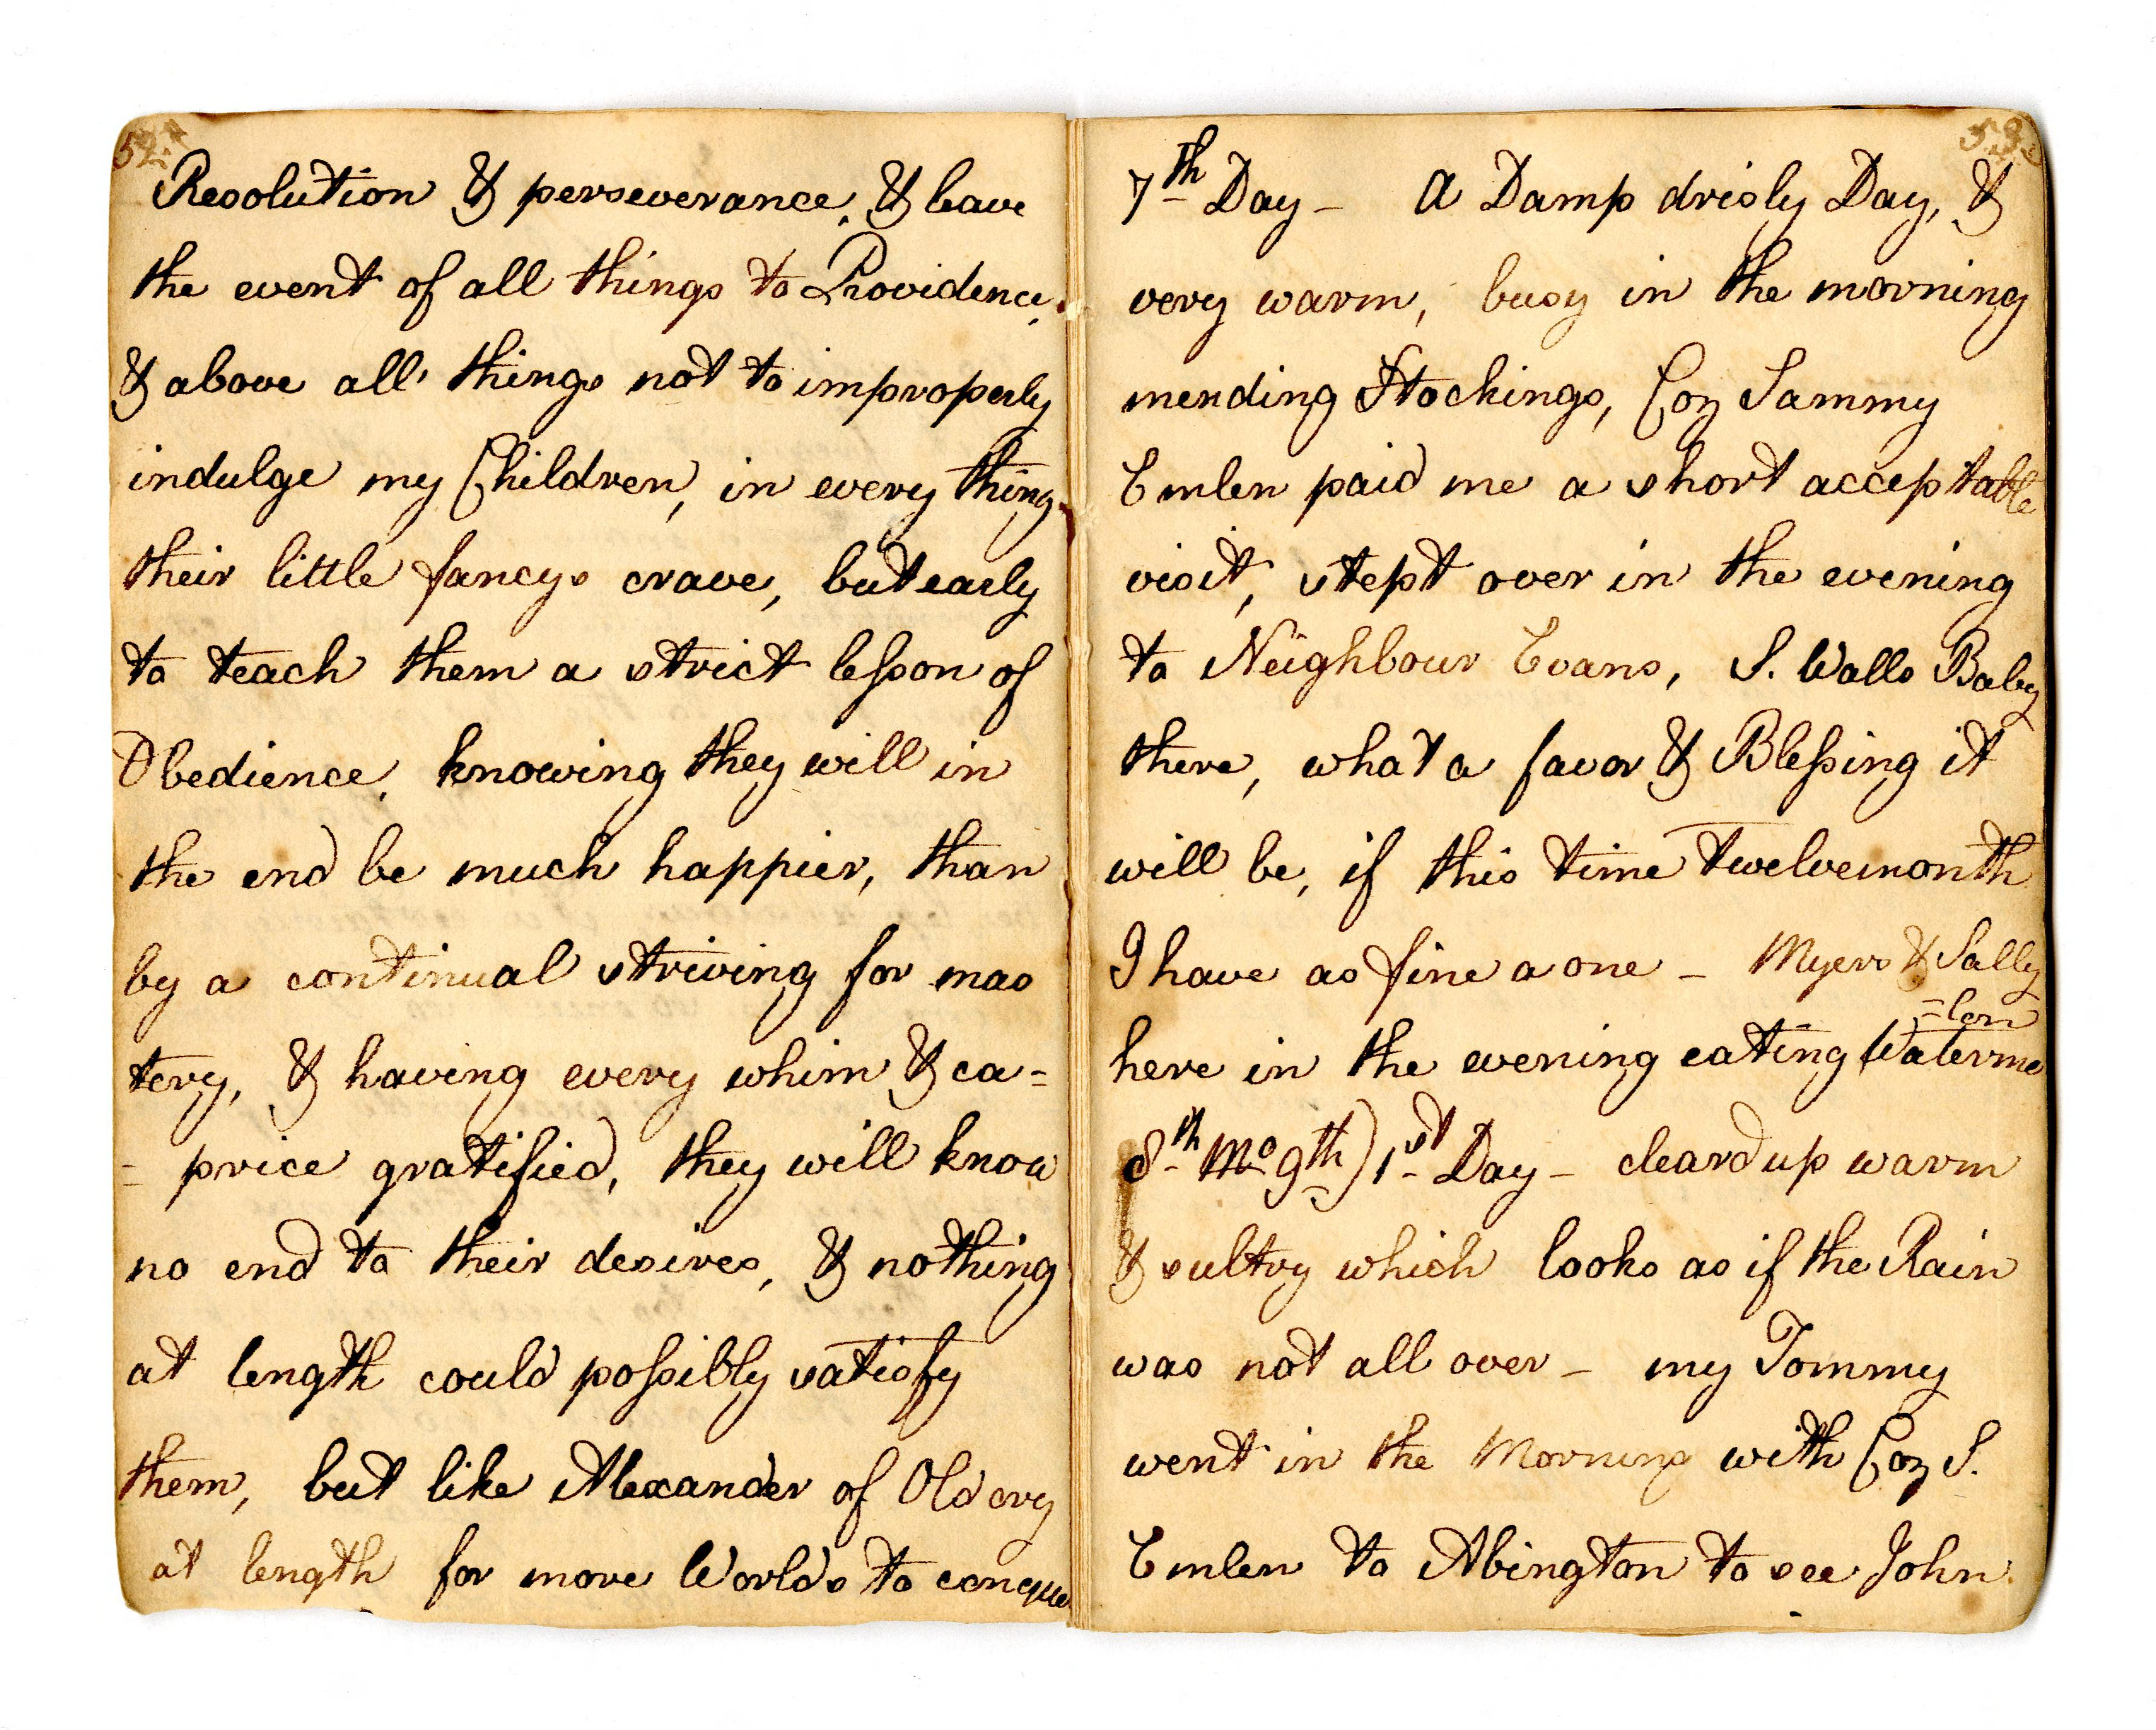52
Resolution & perseverance, & leave
the event of all things to Providence
& above all things not to improperly
indulge my Children, in every thing
their little fancys crave, but early
to teach them a strict lesson of
Obedience, knowing they will in
the end be much happier, than
by a continual striving for mas
tery, & having every whim & ca-
-price gratified, they will know
no end to their desires, & nothing
at length could possibly satisfy
them, but like Alexander of Old cry
at length for more Worlds to conque
53
7^th Day- A Damp drisly Day, &
very warm, busy in the morning
mending Stockings, Coz Sammy
Emlen paid me a short acceptable
visit, stept over in the evening
to Neighbour Evans, S. Walls Baby
there, what a favor & Blessing it
will be, if this time twelvemonth
I have as fine a one- Myers & Sally
-len
here in the evening eating Waterme
8^th. M^o 9^th) 1^st Day- cleared up warm
& sultry which looks as if the Rain
was not all over- my Tommy
went in the Morning with Coz S.
Emlen to Abington to see John